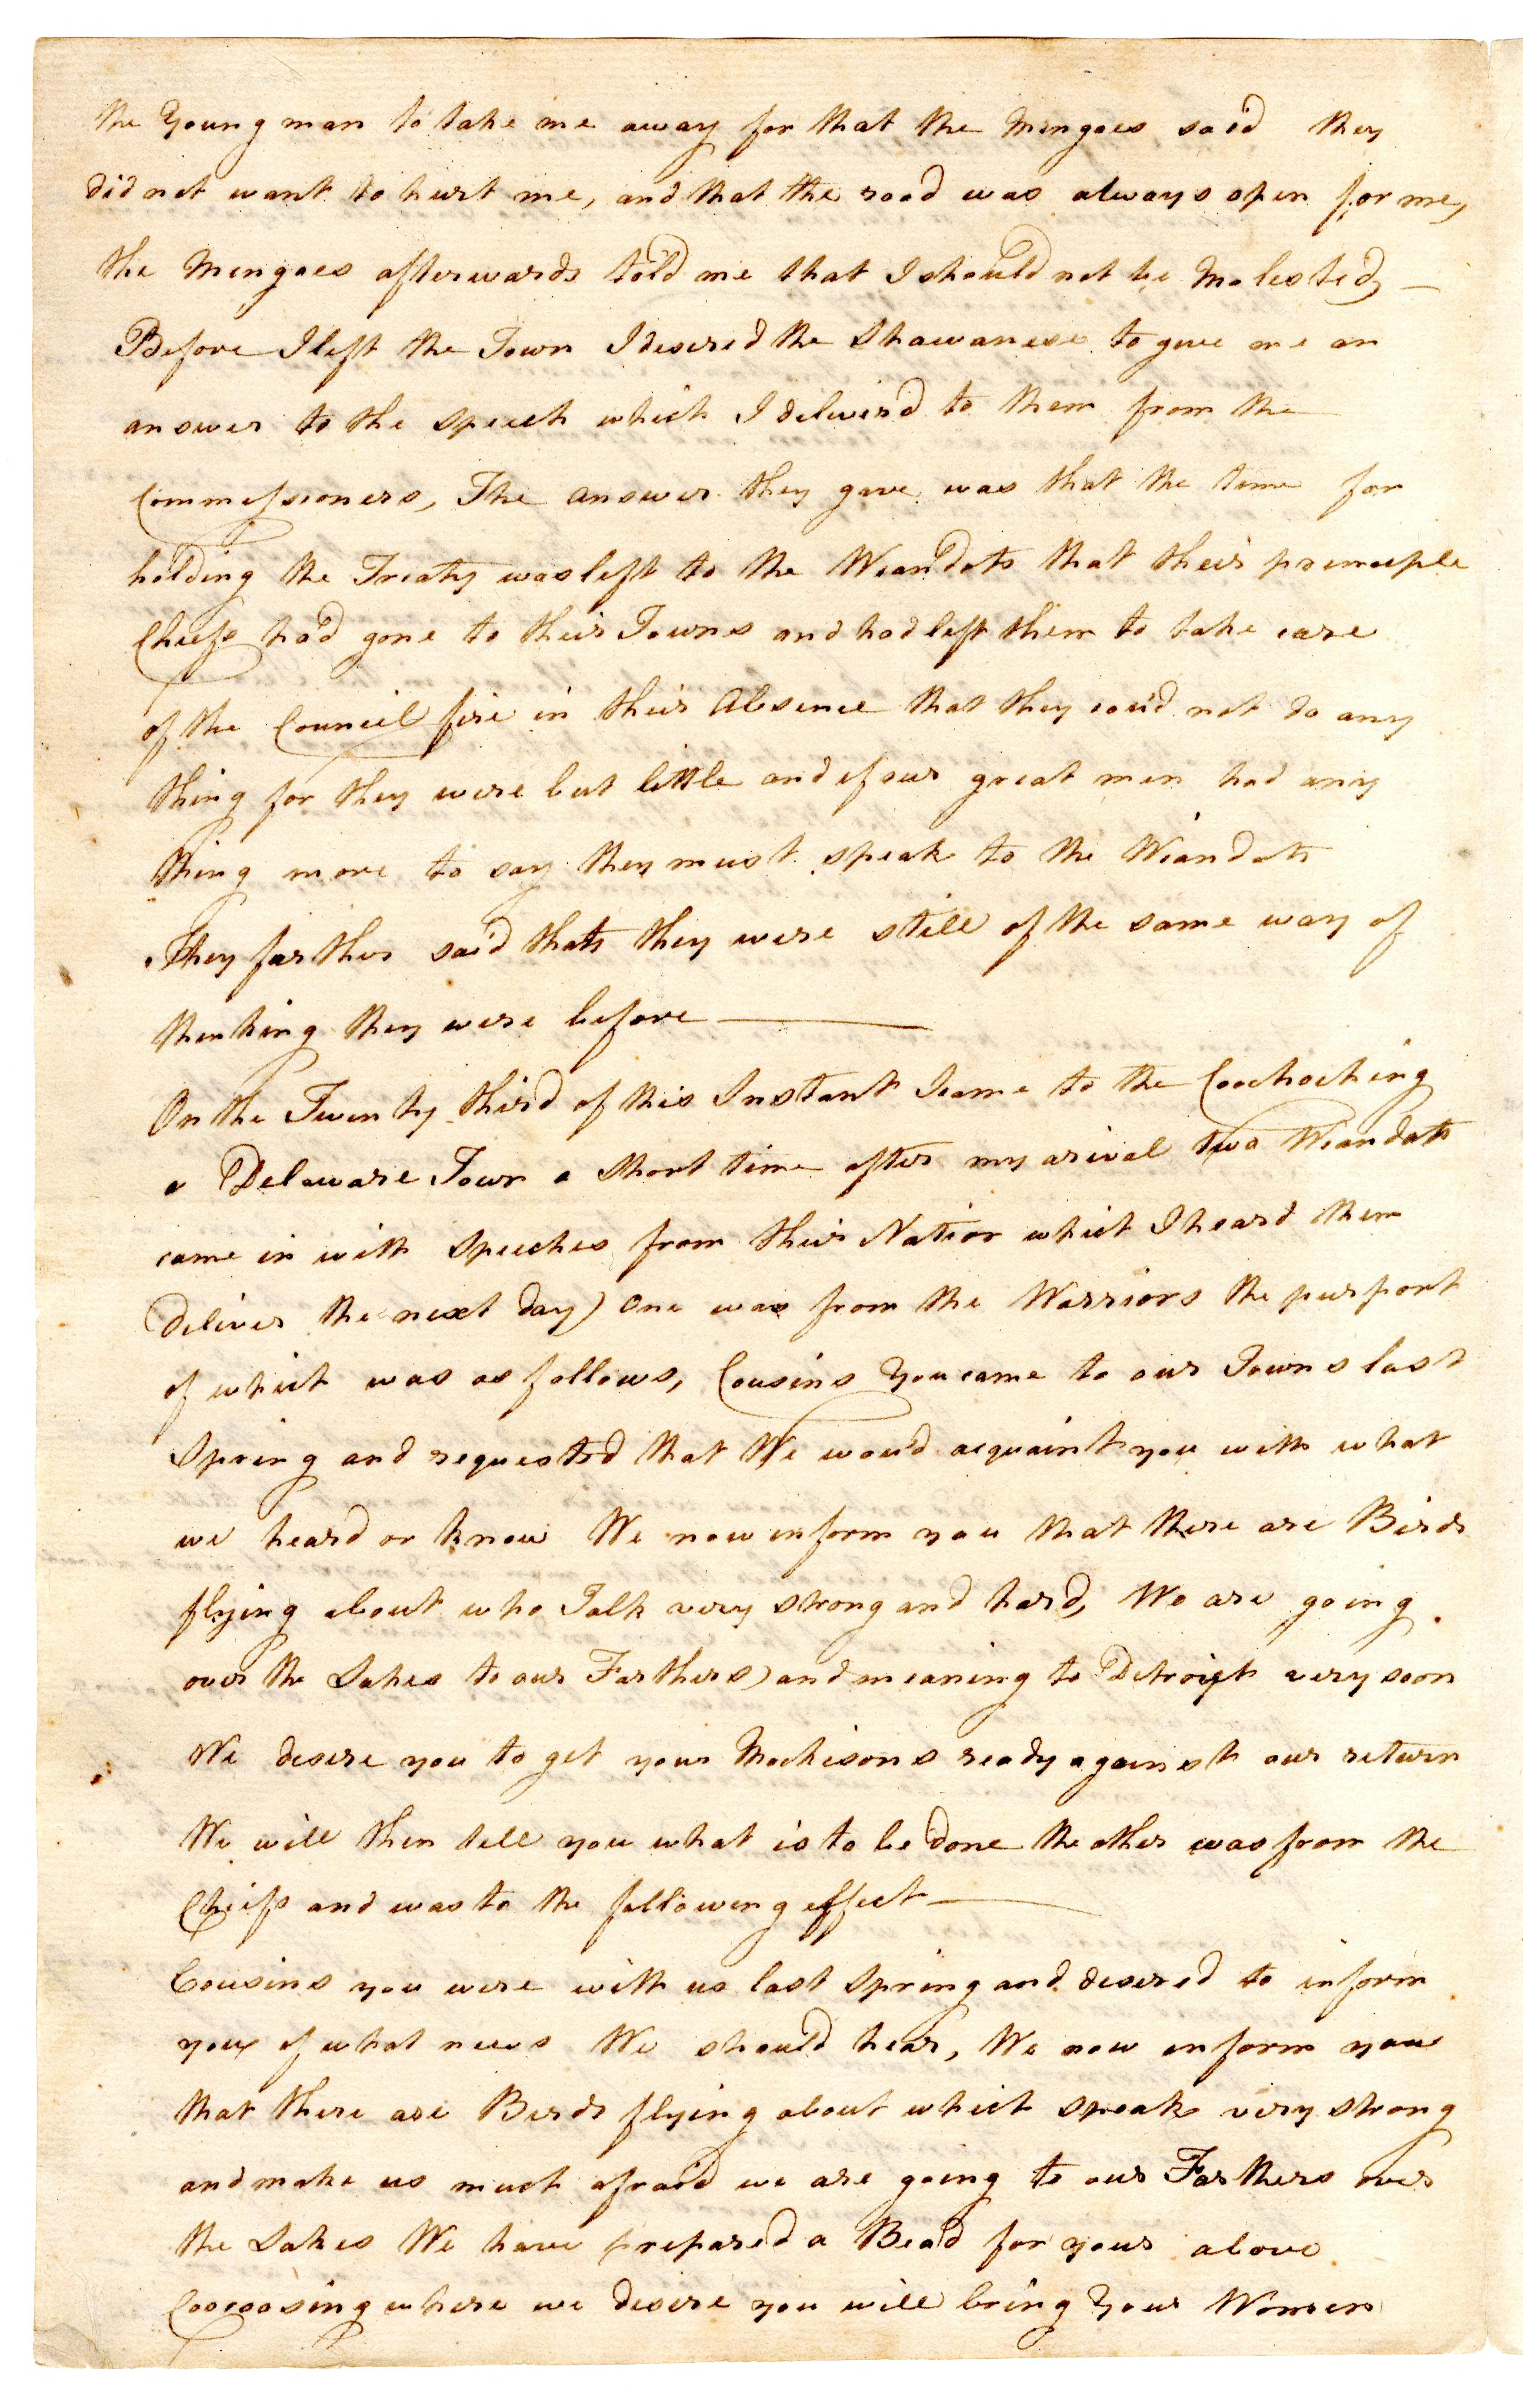the Young man to take me away for that the Mingoes said they
did not want to hurt me, and that the road was always open for me,
the Mingoes afterwards told me that I should not be molested,-
Before I left the Town I desired the Shawanese to give me an
answer to the speech which I deliver'd to them from the
Commissoners, The answer they gave was that the time for
holding the Treaty was left to the Wiandots that their principle
Chiefs had gone to their Towns and had left them to take care
of the Council fire in thier Absence that they cou'd not do any
thing for they were but little and if our great men had any
thing more to say they must speak to the Wiandots
They further said thats they were still of the same way of
thinking they were before-
On the Twenty third of this Instant I came to the Coochocking
a Delaware Town a Short time after my arrival two Wiandats
came in with speeches from their Nation which I heard them
deliver the next day, one was from the Warriors the purport
of which was as follows, Cousins You came to our Towns last
Spring and requested that We wou'd acquaint you with what
we heard or know We now inform you that there are Birds
flying about who Talk very strong and hard, We are going
over the Lakes to our Farthers, and meaning to Detroit very soon
We desire you to get your Mockisons ready against our return
We will then tell you what is to be done the other was from the
Cheifs and was to the following effect-
Cousins you were with us last spring and desired to inform
you of what news We should hear, We now inform you
that there are Birds flying about which speak very strong
and make us much afraid we are going to our Farthers over
the Lakes We have prepared a Bead for you above
Cooroosing where we desire you will bring your Women